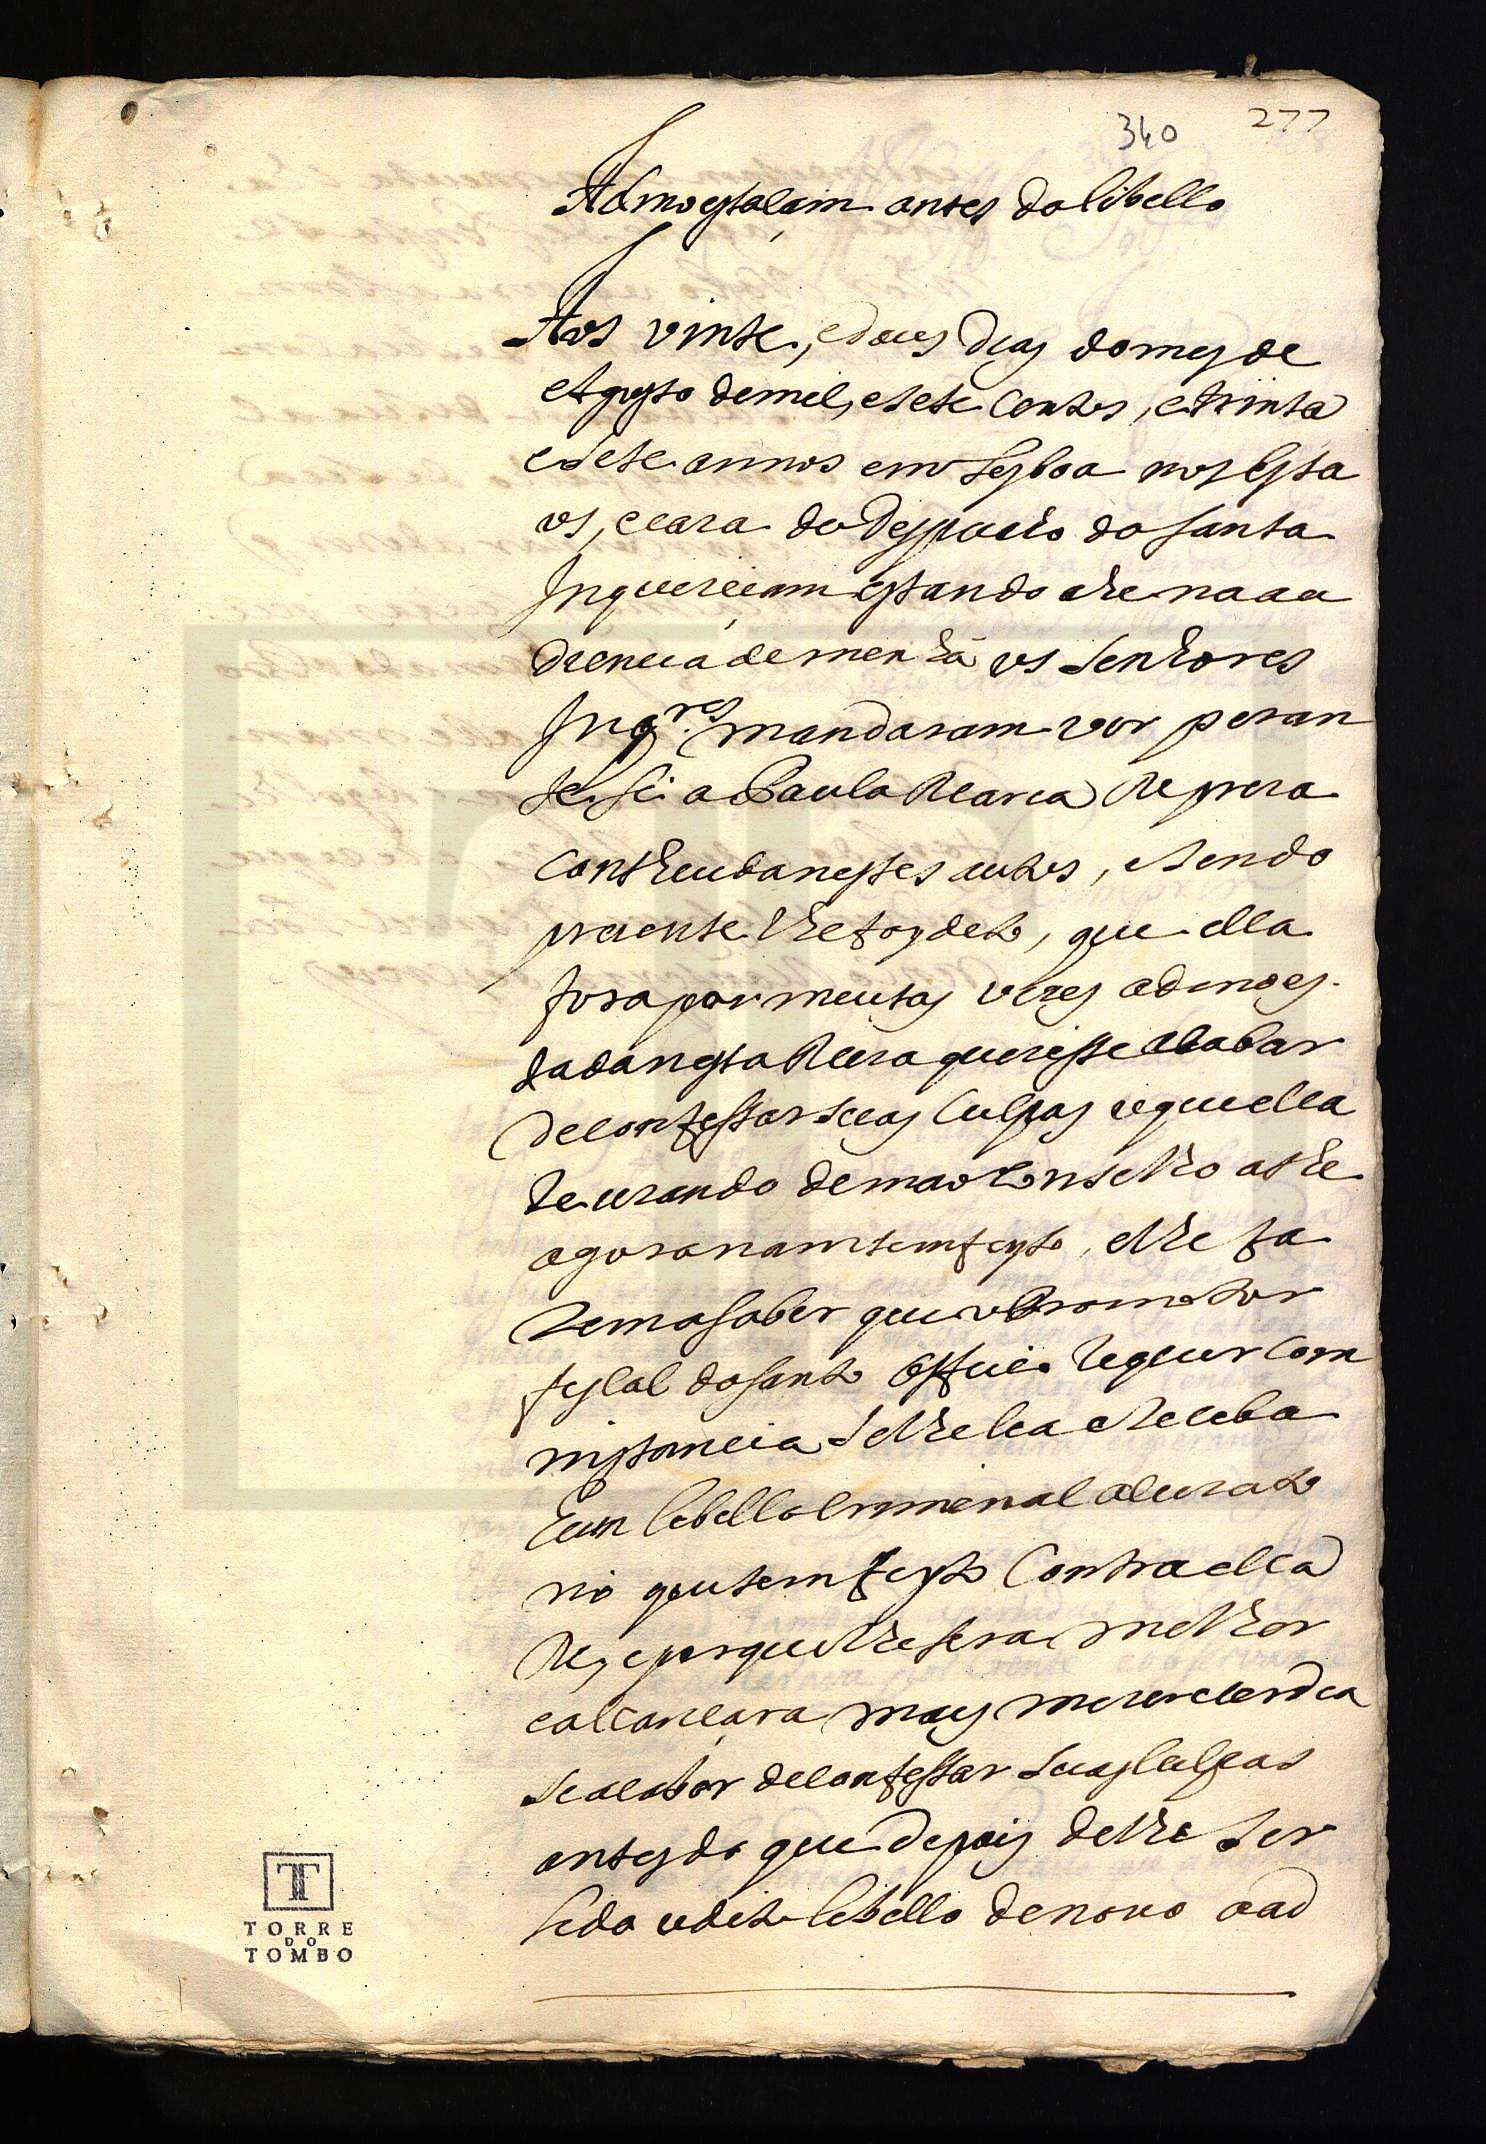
277
Admoestaçam antes do libello
Aos vinte, e dous dias do mes de
Agosto de mil, e setecentos, e trinta
e sete annos em Lisboa nos Esta
os, e caza do Despacho da santa
Jnquiziçam estando ahi na au
diencia de menhã os senhores
Jnq.res mandaram vir peran
te si a Paula Maria Re preza
contheuda nestes autos, e sendo
prezente lhe foy dito, que ella
fora por muitas vezes admoes
tada nesta Meza quizessse aCabar
de confessar suas Culpas o que ella
Re uzando de mao Conselho athe
agora nam tem feyto e lhe fa
Zem a saber que o Promotor
fisCal do santo officio Requer com
instancia se lhe lea e Receba
hum lebello criminal acuzato
rio que tem feyto Contra ella
Re, e porque lhe sera melhor
e alcançara maes mezerecordia
se acabar de confessar suas Culpas
antes do que depois de lhe ser
Lido o dito lebello de nouo o ad
